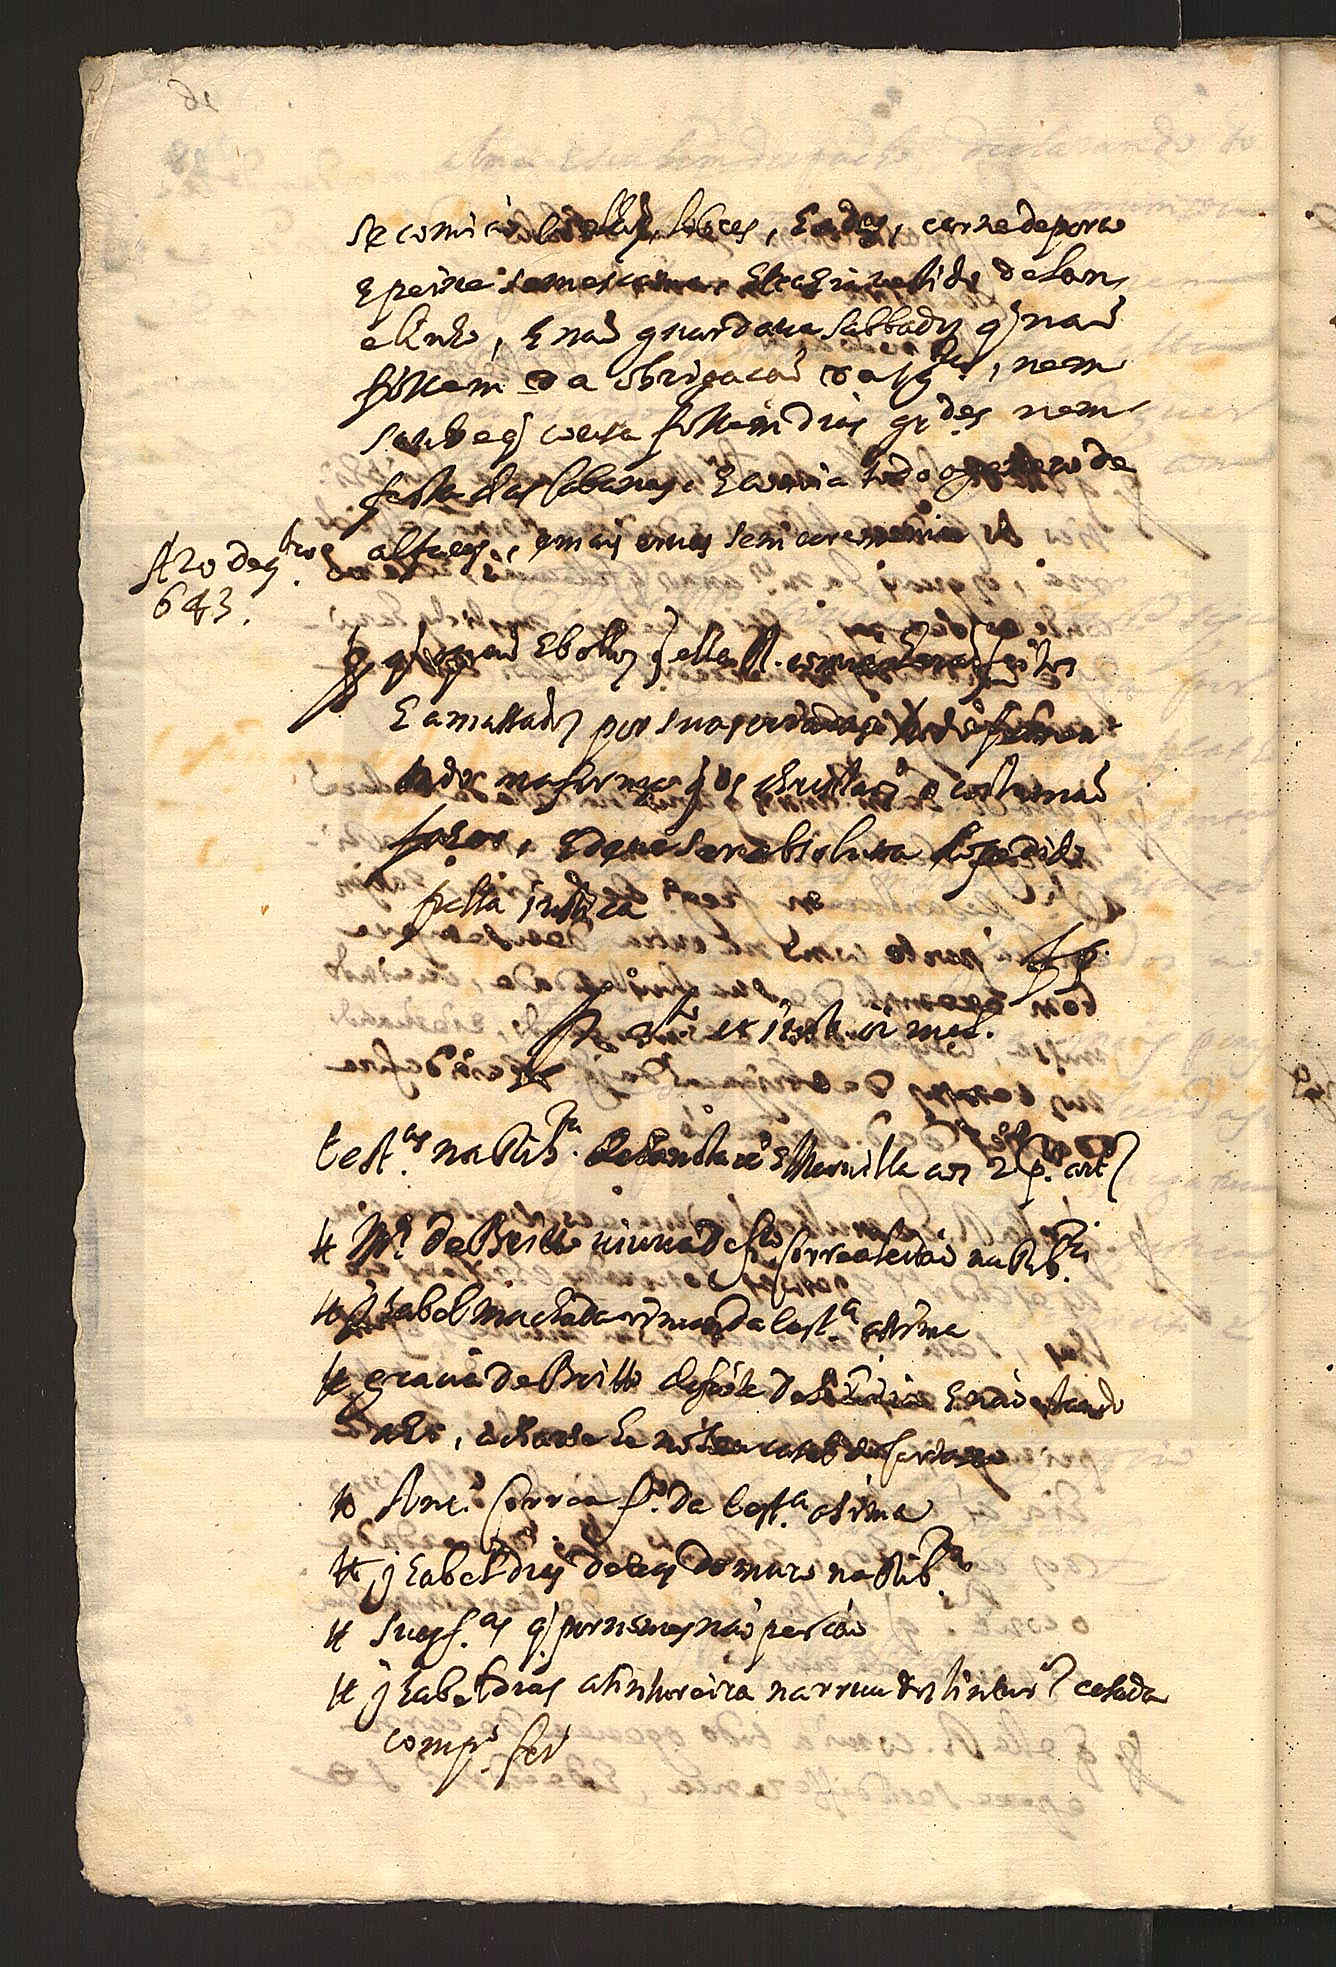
se comiaõ Coelhos Lebres, E aues, carne de porco
E peixe sem escamas E trazia vestido de lan
e linho, E naõ guardaua Sabbados q̄ naõ
fossem da obrigaçaõ dos g.des, nem
se sabe q̄ cousa fossem dias gr.des nem
festa das Cabanas e E comia todo o genero de
alfaces, e mais eruas sem ceremonia
A 20 de 9bro
643.
p̄ q̄ o paõ E bolloz q̄ ella R. comia heraõ feitos
E amassados por suas creadas tudo ferma
tado na forma q̄ os christaos o costumaõ
fazer, E deve ser absolutta do pedido
pella iustica
p̄ at.o ex iust.a crime.
test.as na Rib.a de Sancta ã d Marvilla e os 2 ꝓ.es art.os
Item M.a de Britto uiuua de f.co Correa Leitaõ da Rib.ra
Item Jsabel machada irmam da test.a a asȳma
Item gracia de Britto defrōte de S. yria E naõ estando
ahi, acharseha no seu curral do Cartaxo
Item Ant.o Correa f.o da test.a asyma
Item jsabel dias detras do muro na Rib.ra
Item Suas f.as q̄ per nomes naõ percaõ
Item Izabel dias a tintoreira na rrua dos tintur.os casada
com p.o fr.z
